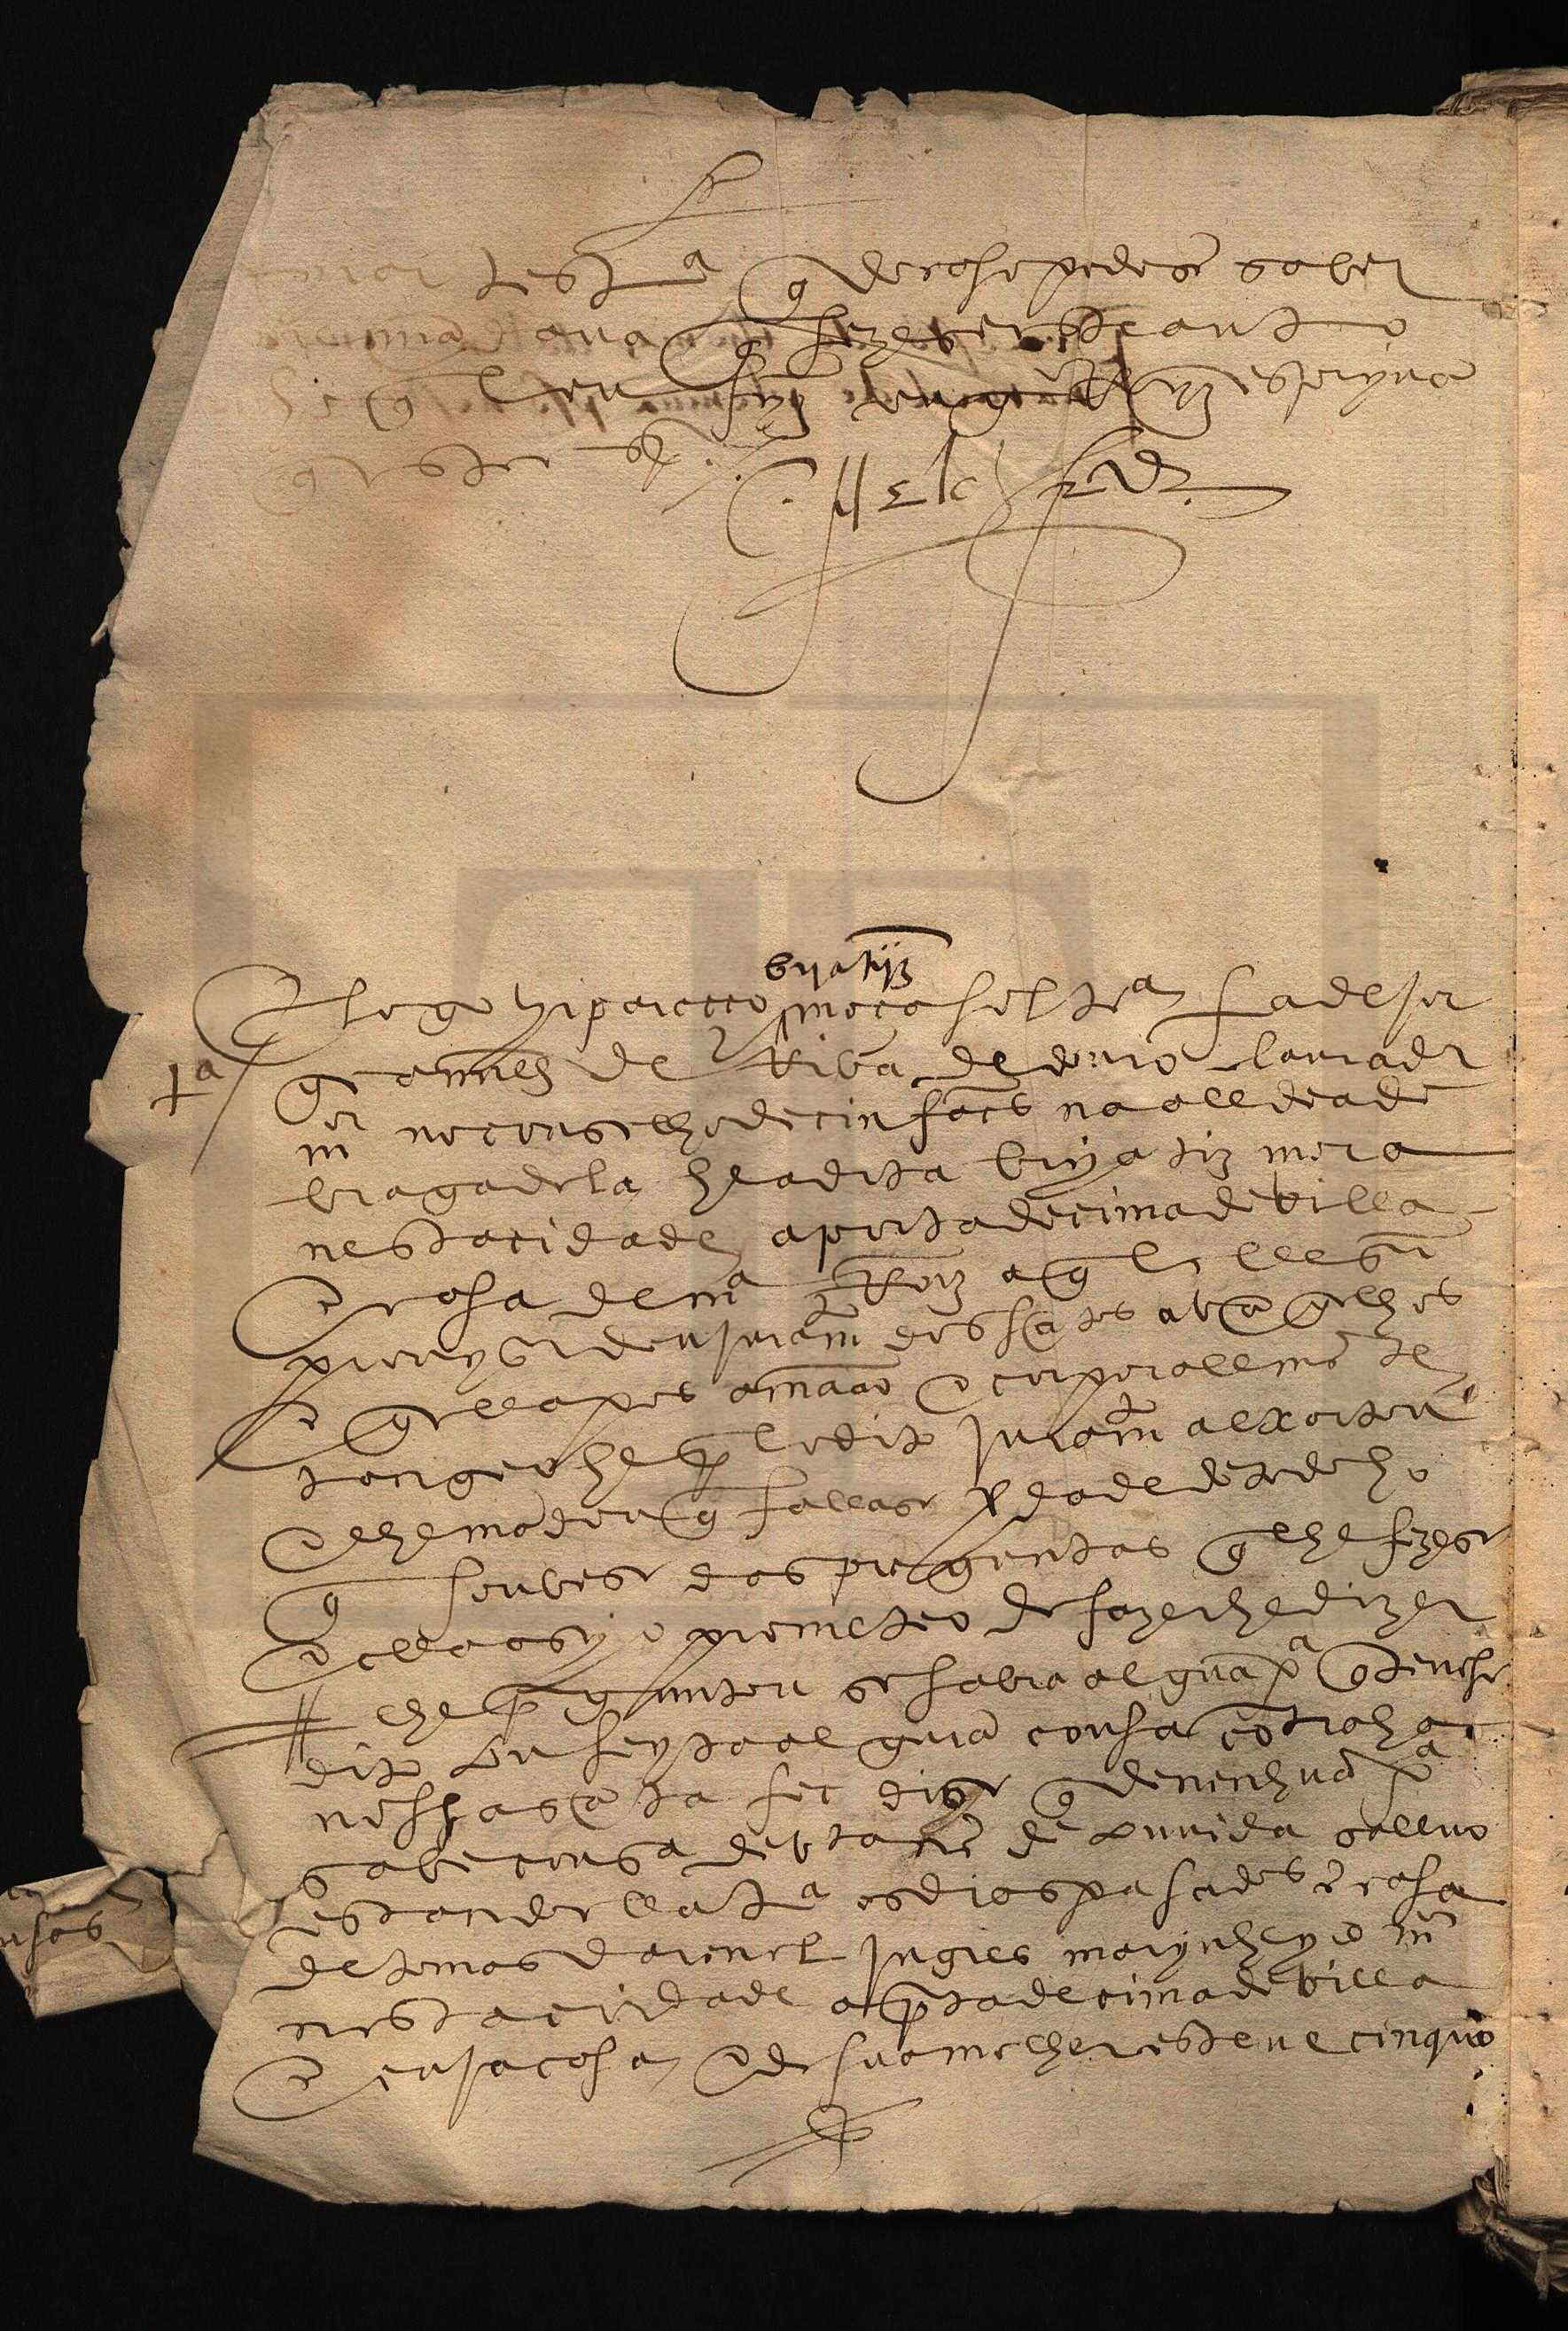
yrar testa q̄ do caso podesē saber
me mādaua q̄ fezese este auto
ho q̄l eu fyz eu go Roiz̄ espryuā
q̄ esto esp̄uj.
Melch frez
ta
E logo hi pareceo
brjatijz
moça soltra fa de Jor
ge an̄nes de Riba de douro laurador
mor no conselho de cinfães na alldea de
bragadela he a dita bryatiz mora
nesta cidade a porta de cima de villa
ē casa de ma R̄oiz a q̄l elle s̄or
prouysor deu juramto dos sātos avāgelhos
ē q̄ ella pos a mãao e corporallmēte
tangeo he p̄lo dito Juramto a exortou
e lhe mādou q̄ fallase ꝟdade de todo ho
q̄ soubese das preguntas q̄ lhe fezese
e ella asy o prometeo de fazer he dizer
item lhe p̄gumtou se sabia algūa pa q̄ teuese
dito ou feyta alguā cousa c̄otra ha
nossa sāta fee dise q̄ de nenhuā pa
sabe cousa de vta nē de ouuida salluo
estando ella ta os dias pasados ē casa
de tomas dareneL Jngres marynheyro mor
nesta cidade a p̄ta de cima de villa
ē cuja casa, e de sua molher esteue cinquo
